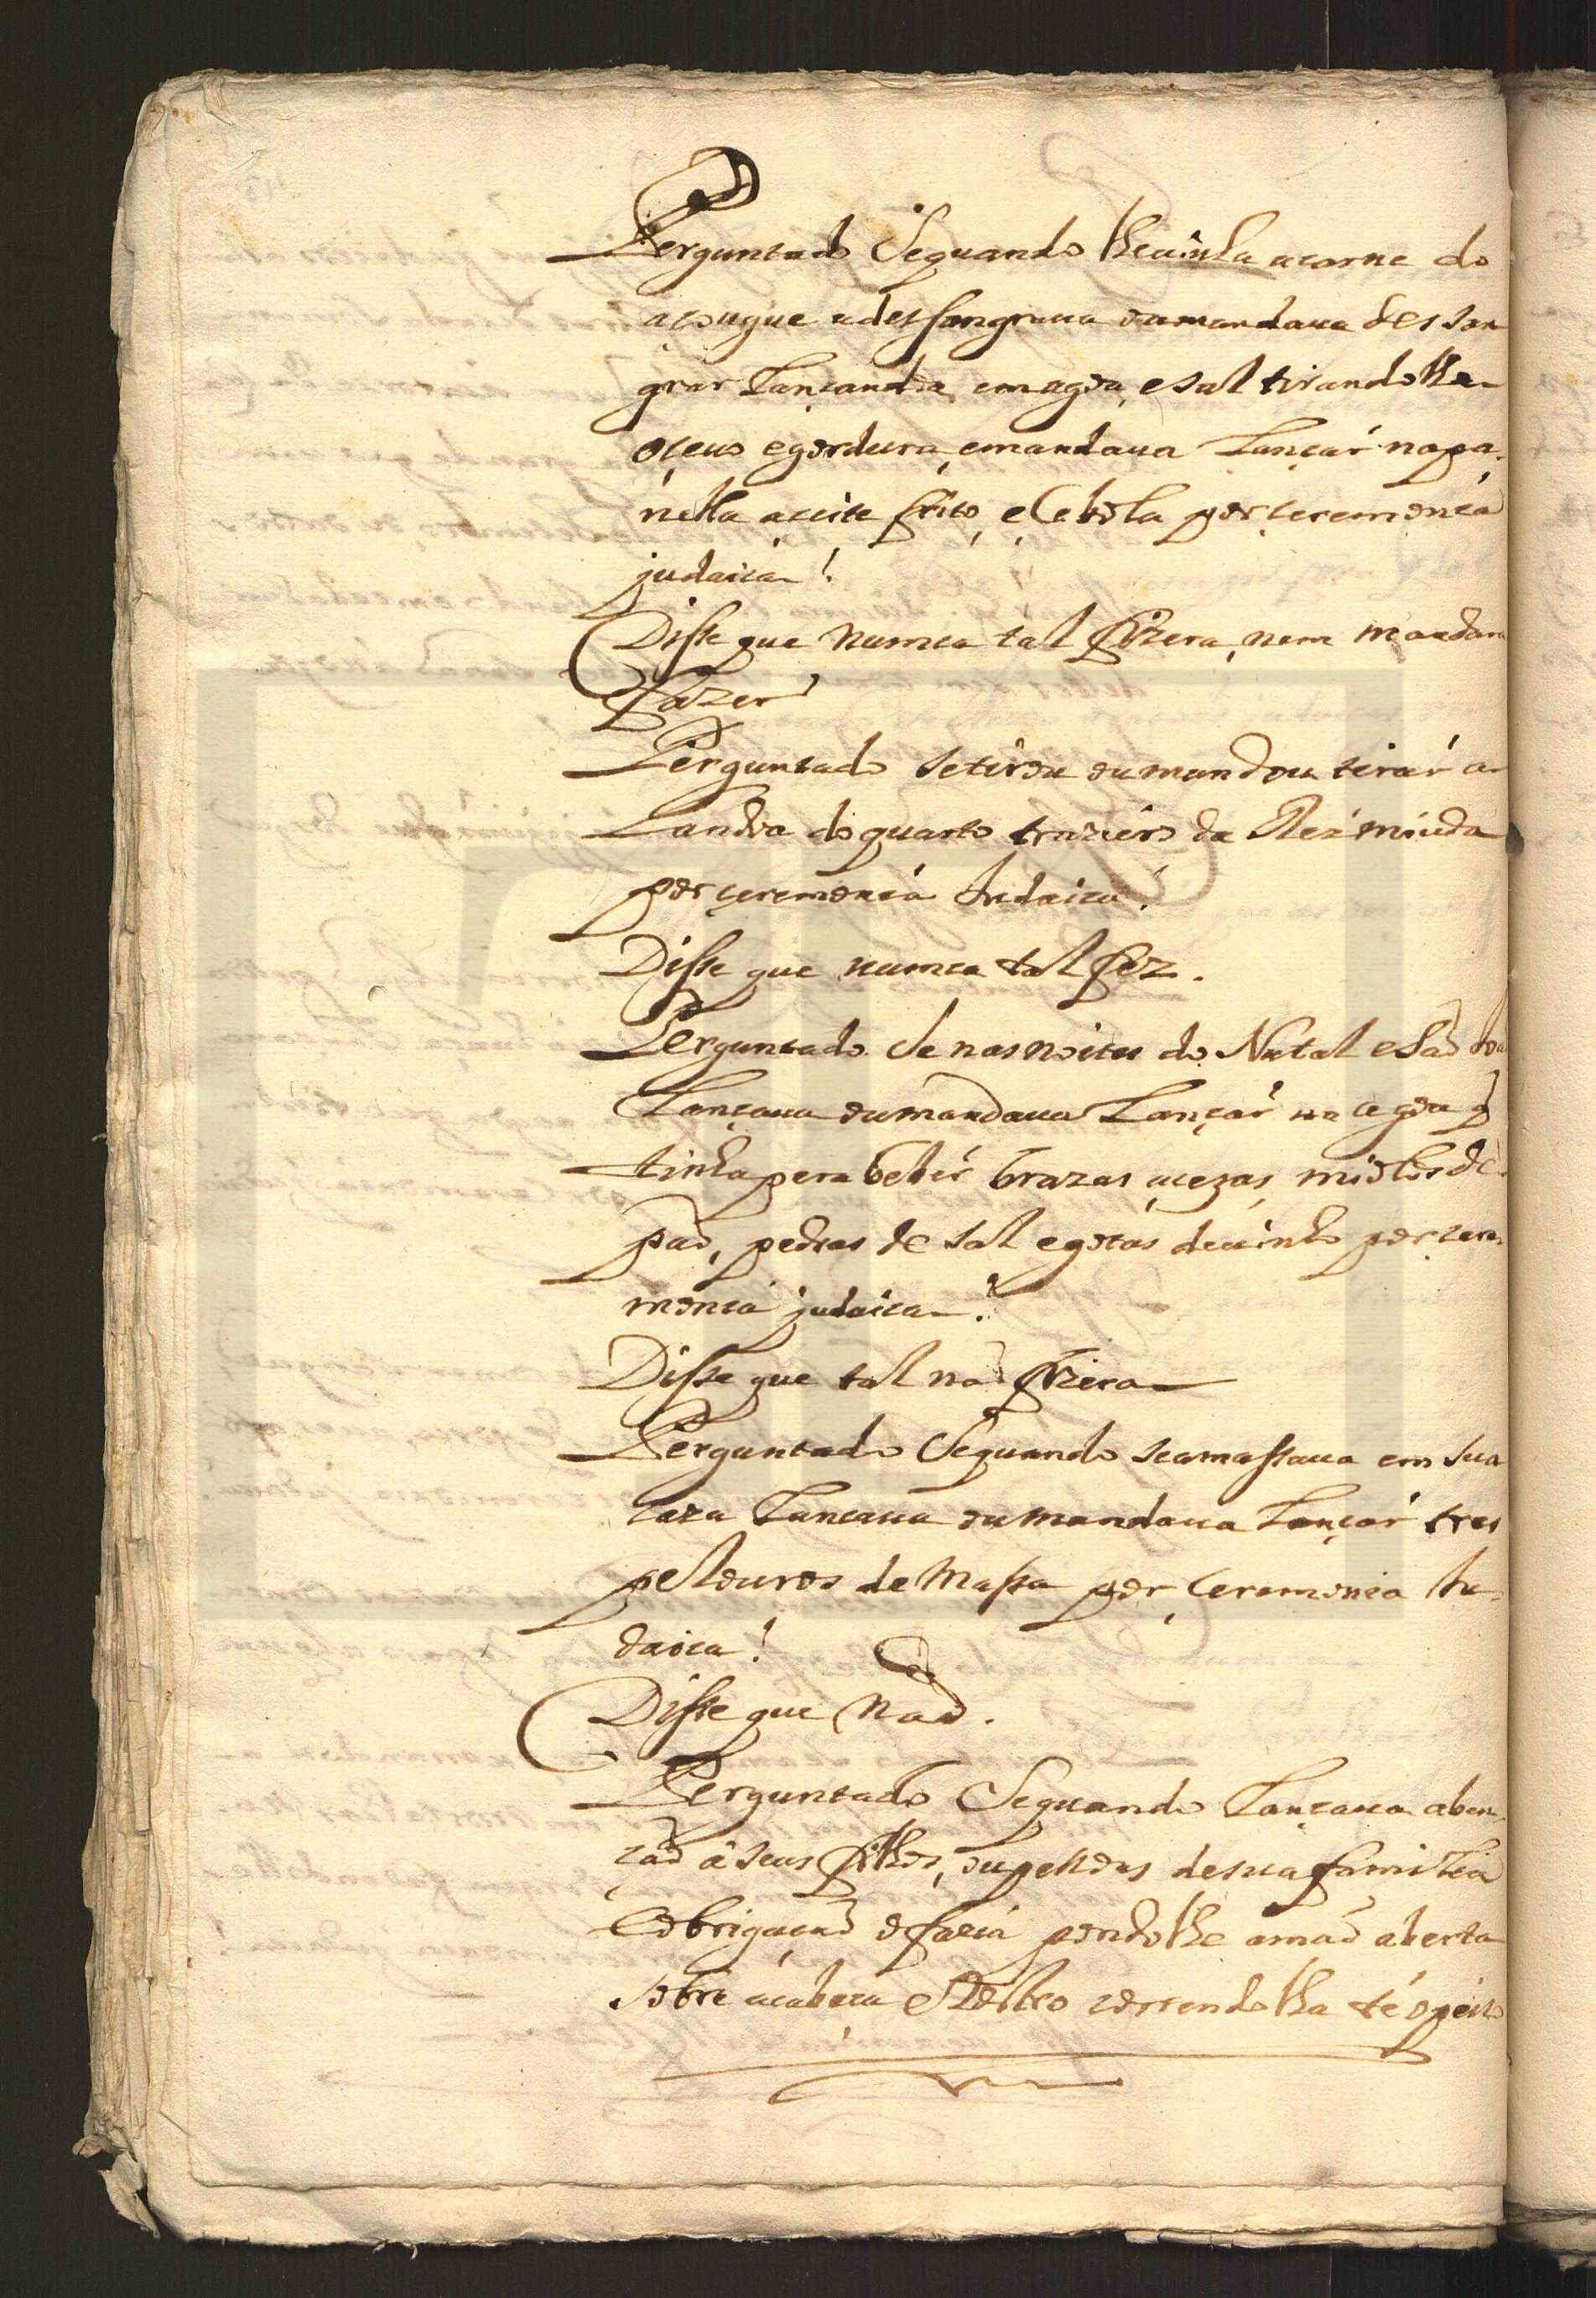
Perguntado Se quando lhe uinha a carne do
açougue a dessangraua ou mandaua dessan
grar Lançandoa em agoa, e sal tirandolhe
o çeuo e gordura, e mandaua Lançar na pa
nella açeite frito, e Çebola por ceremonia
judaica?
Disse que numca tal fizera, nem mandara
fazer
Perguntado se tirou ou mandou tirar a
Landoa do quarto trazeiro da Rez miuda
por çeremonia Iudaica?
Disse que numca tal fez.
Perguntado Se nas noites do Natal e Saõ Io
Lançaua ou mandaua Lançar na agoa q̄
tinha pera beber brazas açezas, miolos de
paõ, pedras de sal e gotas de uinho por cere
monia judaica?
Disse que tal nã fizera
Perguntado Se quando se amassaua em Sua
caza Lancaua ou mandaua Lançar tres
pelouros de Massa por Çeremonia Iu
daica?
Disse que naõ.
Perguntado Se quando Lançaua a ben
çaõ á seus filhos, ou pessoas de sua familia
E obrigaçaõ o fazia pondolhe a maõ aberta
sobre a cabeça e rostro correndolha té o peito
